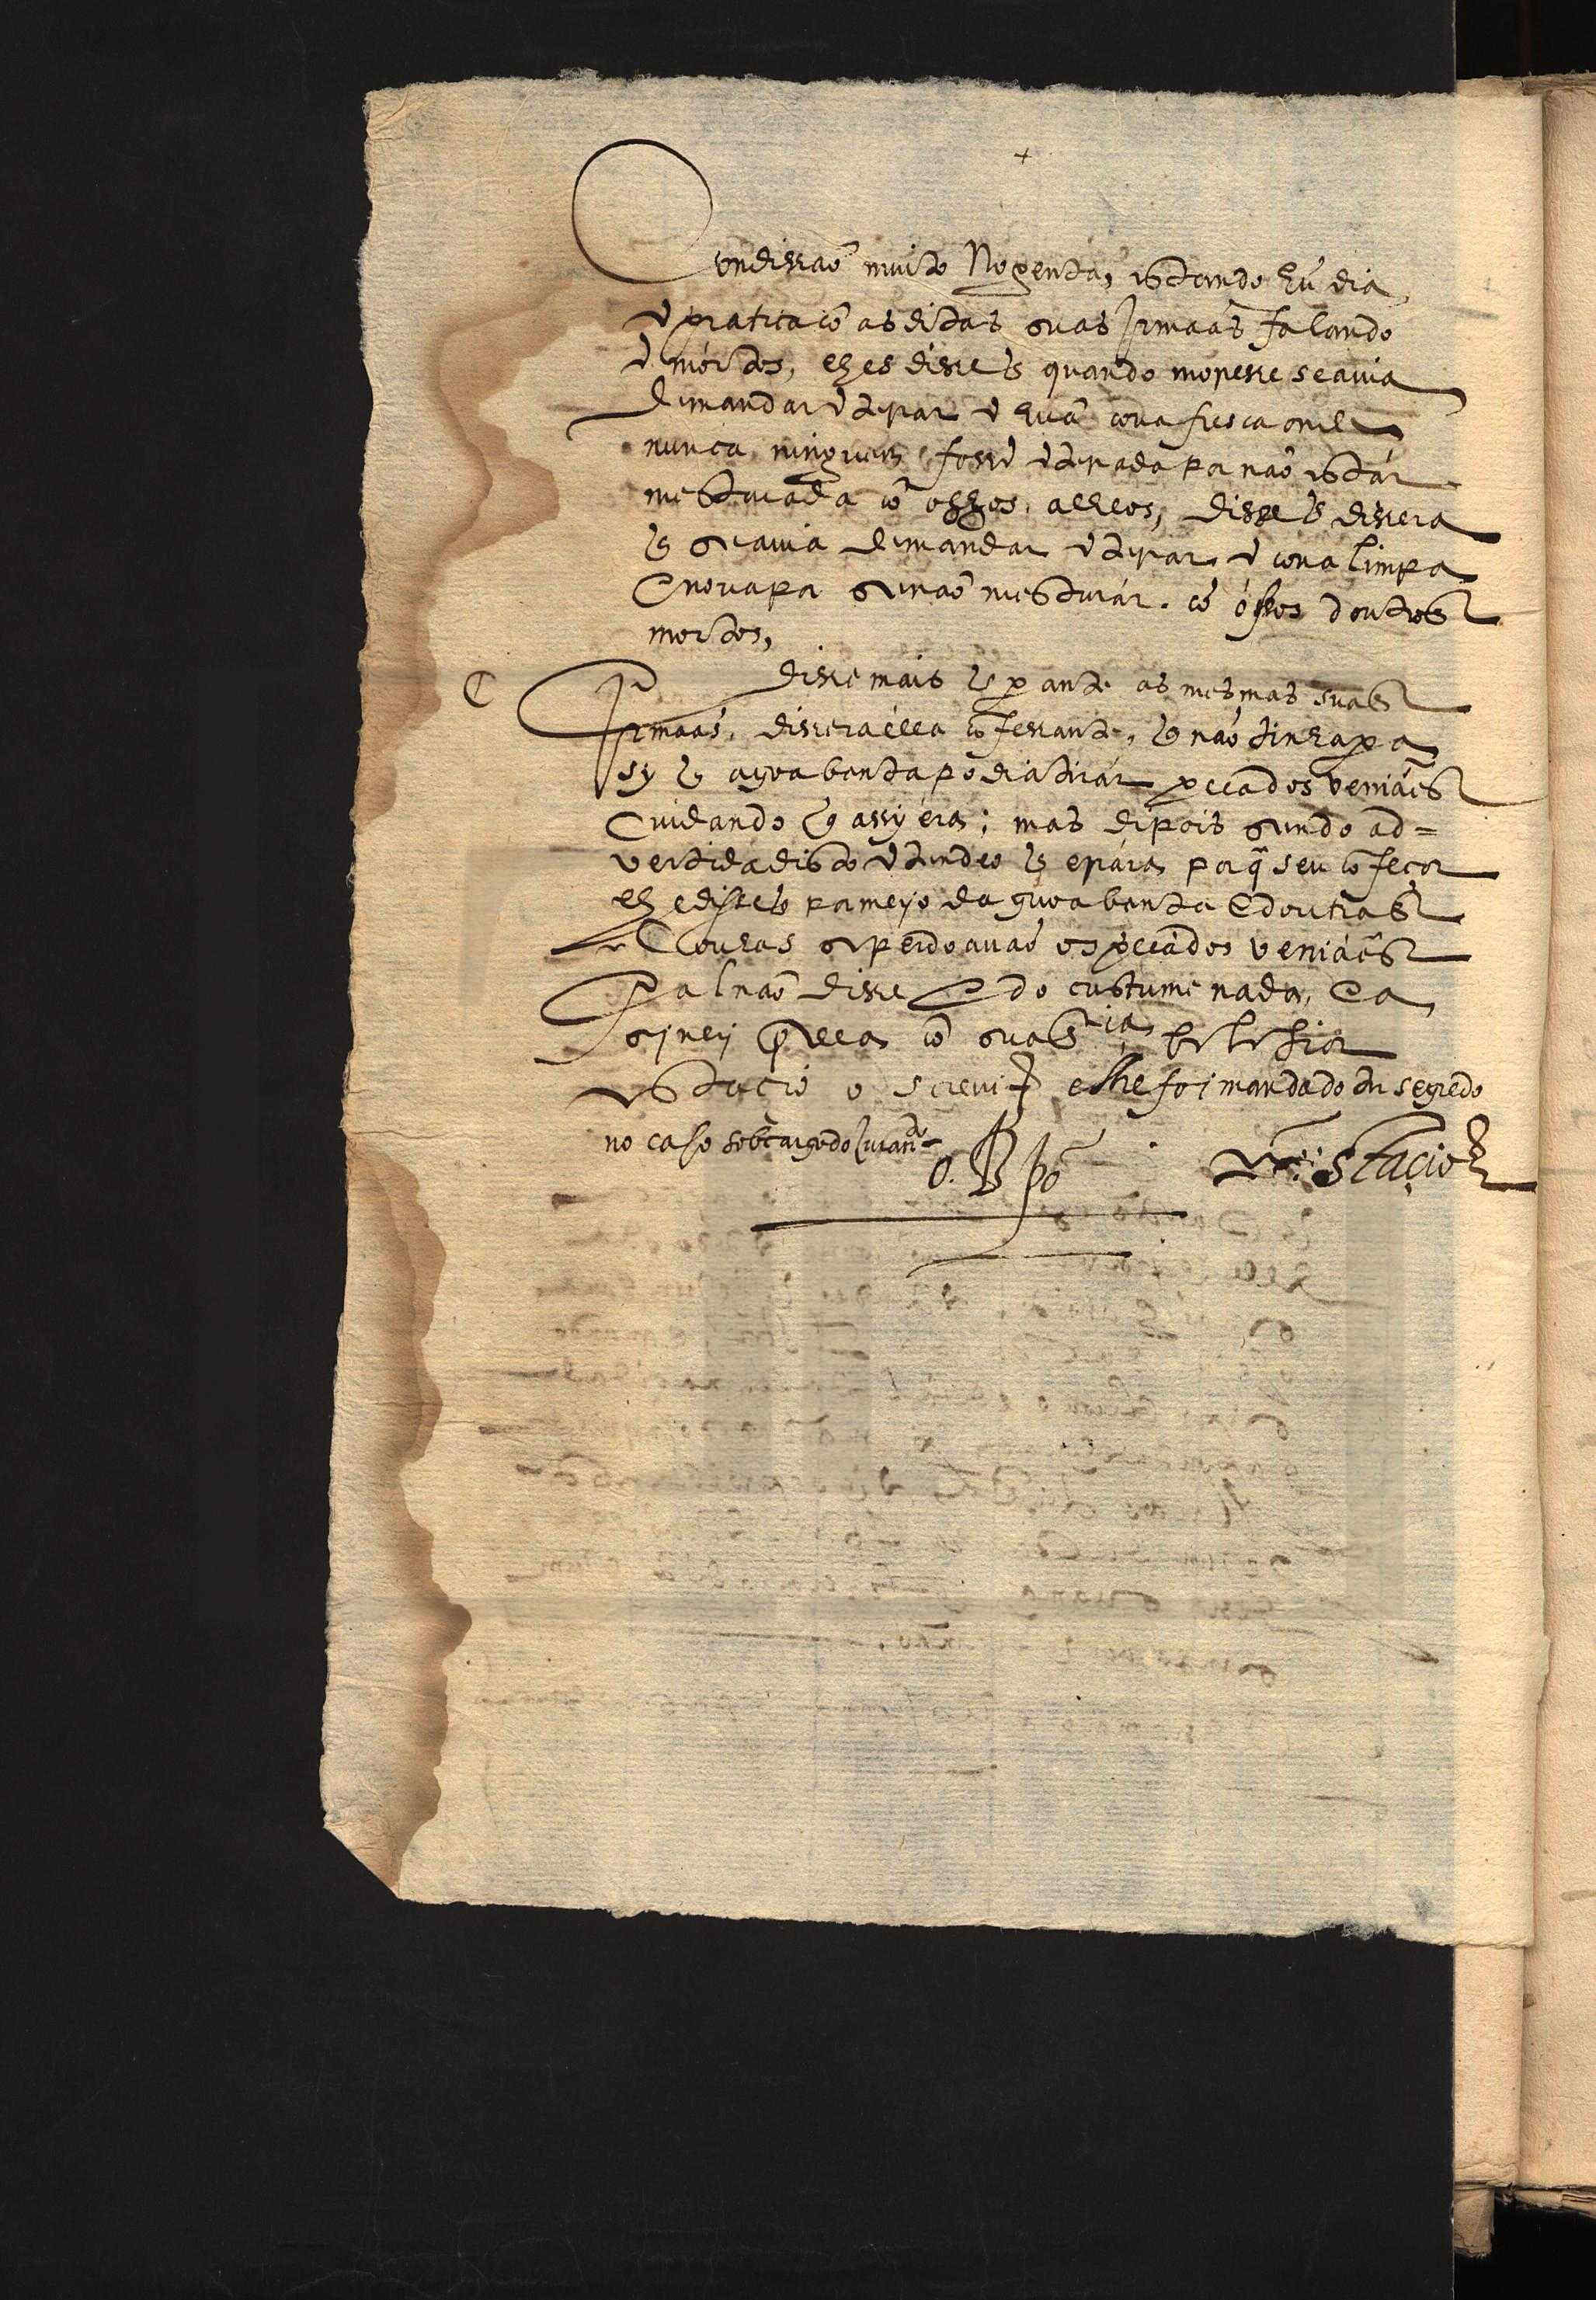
Condissaõ muito nogenta, estando hū dia
ē pratica cō as ditas suas Jrmaās falando
ē mortos, lhes disse q̄ quando morresse se auia
de mandar enterrar ē huā coua fresca onde
nunca ninguem fosse ēterrada ꝑa naõ estar
mesturada cō ossos alheos, disse q̄ dissera
q̄ se auia de mandar ēterrar ē coua limpa
e noua ꝑa naõ mesturar . cō ossos doutros
mortos,
e disse mais q̄ ꝑante as mesmas suas
Jrmaās dissera ella cōfessante, q̄ naõ tinha ꝑa
sy q̄ agoa benta podia tirar pecados veniāes
cuidando q̄ assy era; mas dipois sendo ad
vertida disto ētendeo q̄ errara porq̄ seu cōfeçor
lhe disse q̄ por meyo daguoa benta e doutras
Cousas se perdoauaõ os pec̄ados veniaes
e al não disse e do custume nada, e a
sjney p̄ ella cō sua sria belchior
estacio o screui e lhe foi mandado ter segredo
no caso sob cargo do Juramto
Stacio
o. Bpō
